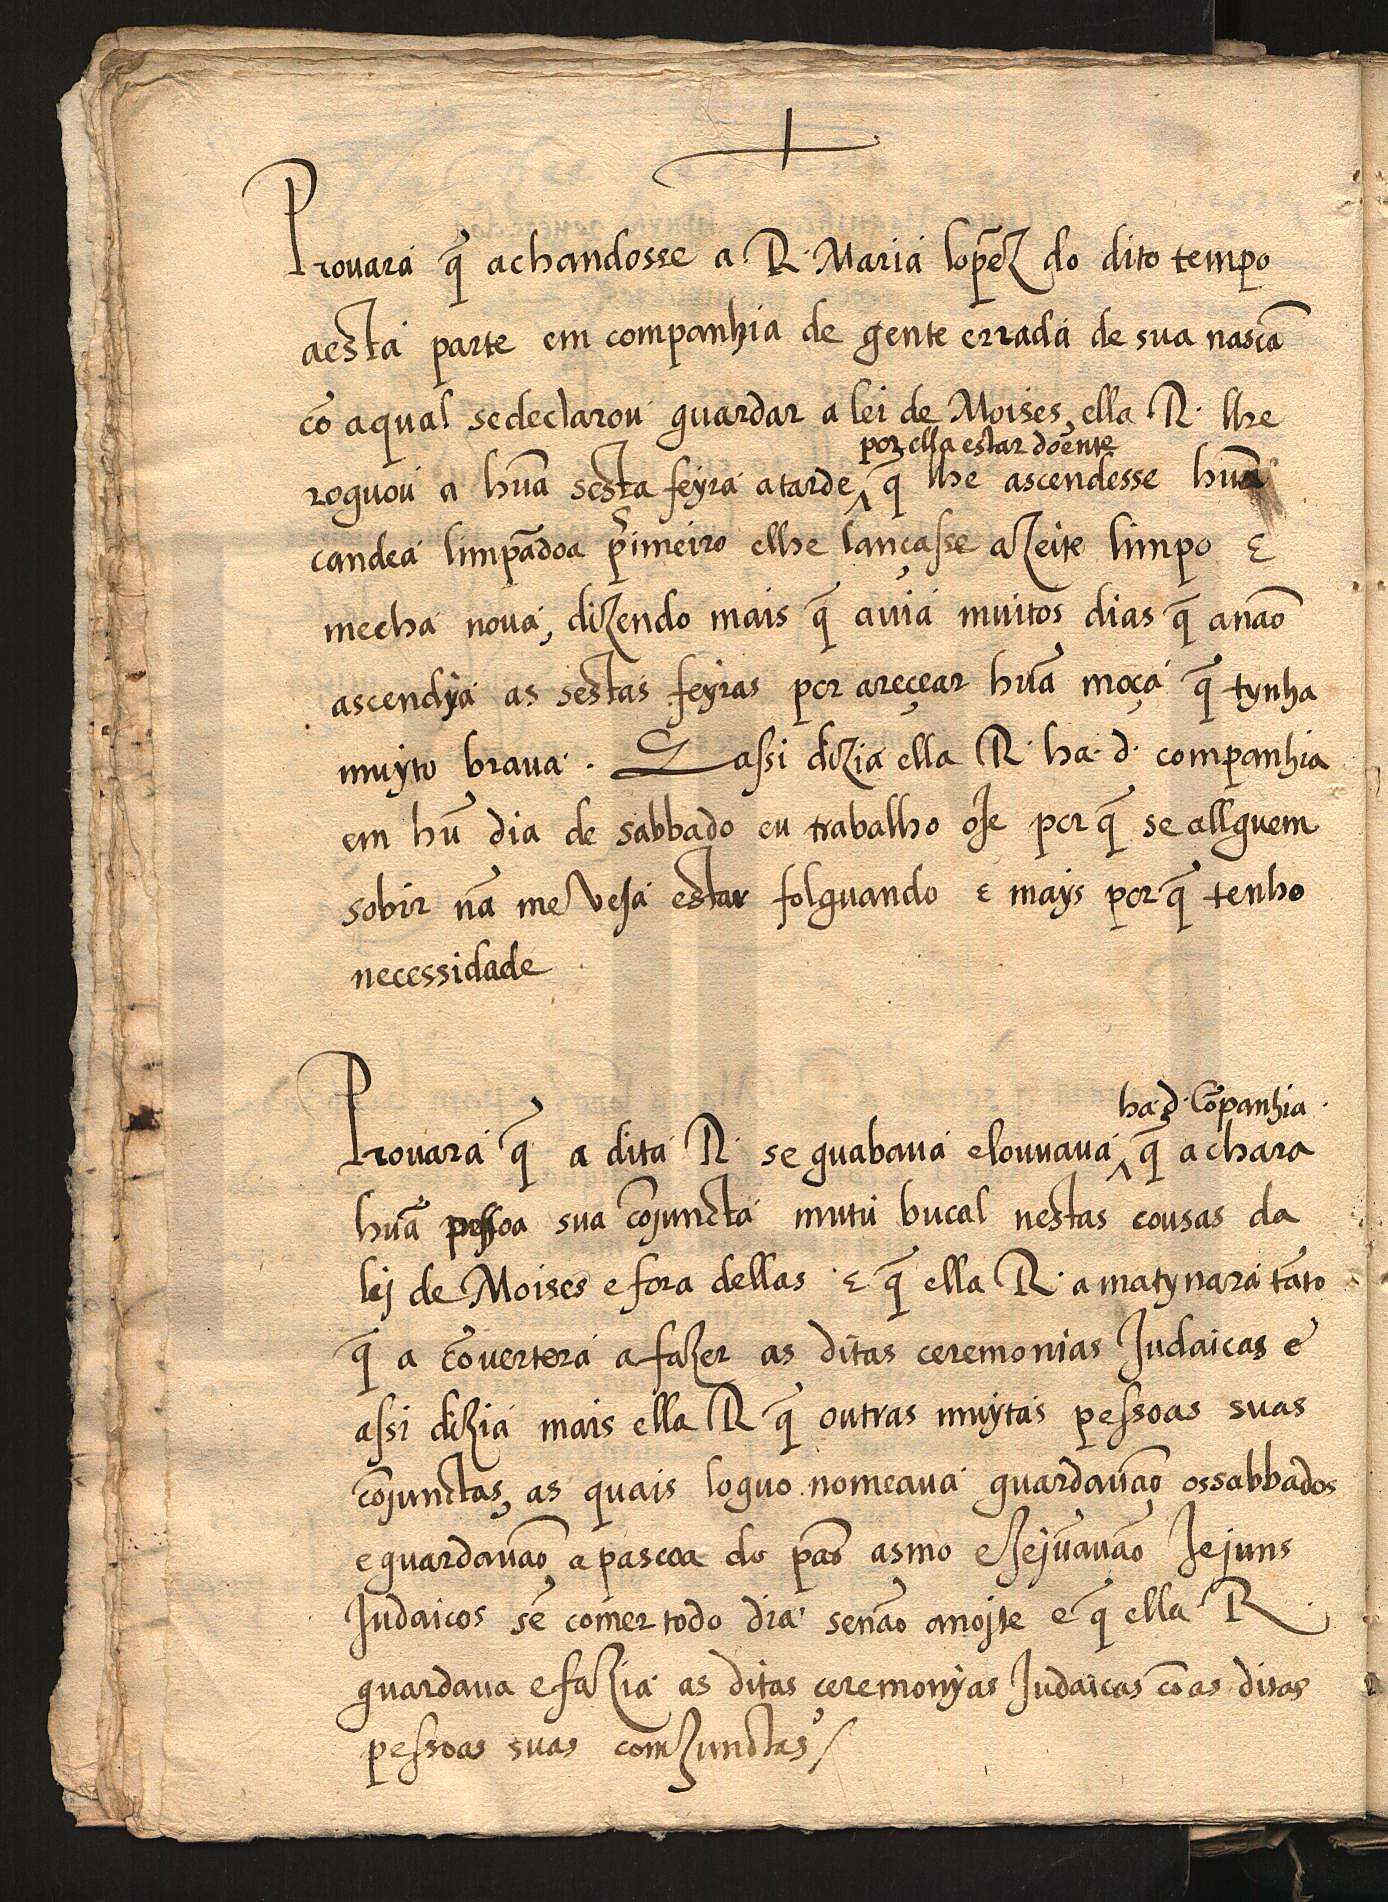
Prouara q̅ achandosse a R. Maria lop̅eZ do dito tempo
a esta parte em companhia de gente errada de sua nasc̅a
co̅ a qual se declarou guardar a lei de Moises, ella R. lhe
roguou a hu̅a sesta feyra a tarde
por ella estar doente
q̄ lhe ascendesse hūa
candea limp̅adoa p̅imeiro e lhe lançasse aZeite limpo E
mecha noua, diZendo mais q̅ auia muitos dias q̅ a não
ascendya as sestas feyras por areçear hu̅a moça q̅ tynha
muyto braua. E assi diZia ella R. ha d. companhia
em hu̅ dia de sabbado eu trabalho oJe porq̅ se allguem
sobir na̅ me veja estar folguando E mays porq̅ tenho
necessidade
Prouara q̅ a dita R se guabaua e louuaua
ha .d. Co̅panhia
q̅ achara
hu̅a pessoa sua c̅ojuncta mutu bucal nestas cousas da
lej de Moises e fora dellas E q̅ ella R. a matynara ta̅to
q̅ a c̅ouertera a faZer as ditas ceremonias Judaicas e
assi diZia mais ella R q̅ outras muytas pessoas suas
c̅ojunctas, as quais loguo nomeaua guardauão os sabbados
e guardauão a pascoa do pão asmo e Jeju̅auão Jejuns
Judaicos se̅ comer todo dia senão a nojte e q̅ ella R.
guardaua e faZia as ditas çeremonyas Judaicas c̅o as ditas
pessoas suas comjunctas /
